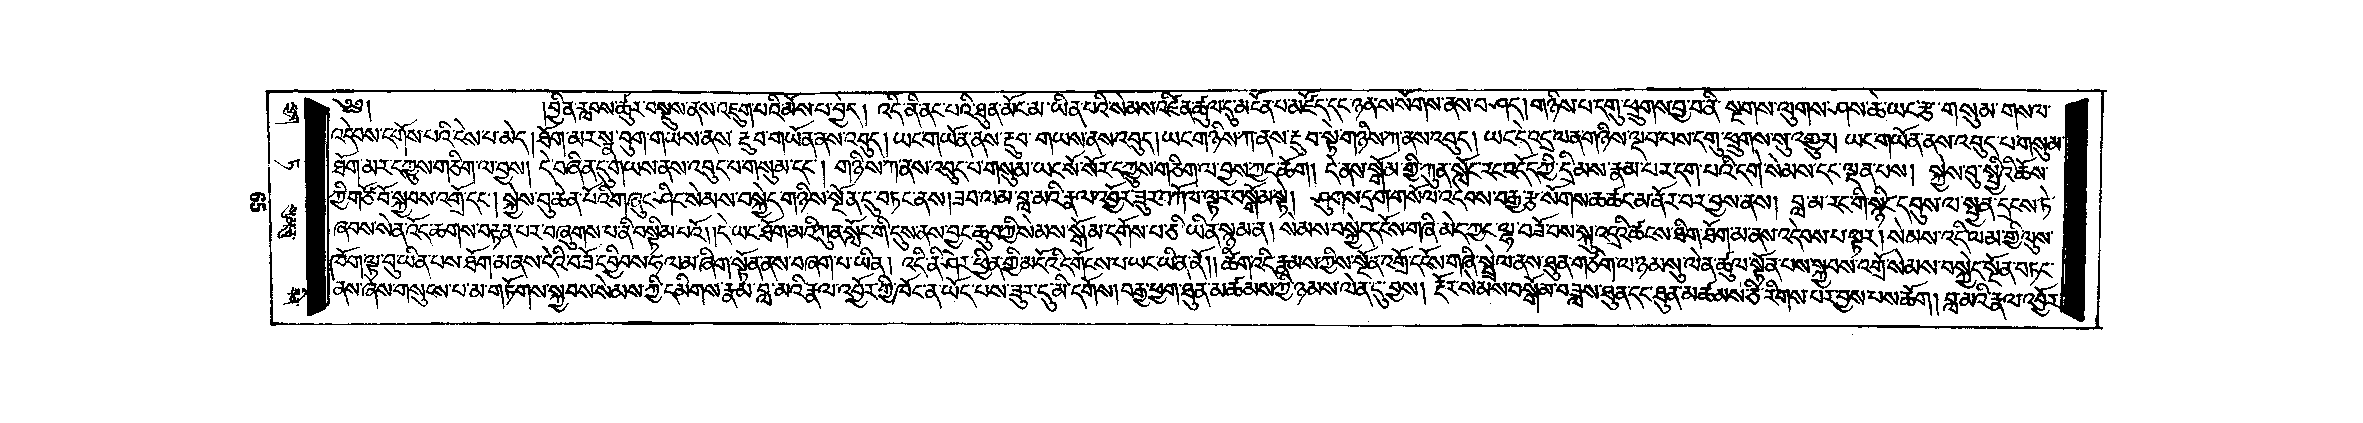༄༅། །བྱིན་རླབས་ཚུར་བསྡུས་ནས་འཇུག་པའི་མོས་པ་བྱེད། འདི་ནི་ནང་པའི་ཐུན་མོང་མ་ཡིན་པའི་སེམས་འཛིན་ཚུལ་དུ་མངོན་པ་མཛོད་དང་ཉན་ས་སོགས་ནས་བཤད། གཉིས་པ་དགུ་ཕྲུགས་བྱ་བ་ནི་སྔགས་ལུགས་ཤས་ཆེ་ཡང་རྩ་གསུམ་གསལ་
འདེབས་དགོས་པའི་ངེས་པ་མེད། ཐོག་མར་སྣ་བུག་གཡས་ནས་རྔུབ་གཡོན་ནས་འབུད། ཡང་གཡོན་ནས་རྡུབ་གཡས་ནས་འབུད། ཡང་གཉིས་ཀ་ནས་རྔུབ་སྟེ་གཉིས་ཀ་ནས་འབུད། ཡང་དེ་འདྲ་ལན་གཉིས་ལྡབ་པས་དགུ་ཕྲུགས་སུ་འགྱུར། ཡང་གཡོན་ནས་འབུད་པ་གསུམ་
ཐོག་མར་དཀྱུས་གཅིག་ལ་བྱས། དེ་བཞིན་དུ་གཡས་ནས་འབུད་པ་གསུམ་དང་། གཉིས་ཀ་ནས་འབུད་པ་གསུམ་ཡང་སོ་སོར་དཀྱུས་གཅིག་ལ་བྱས་ཀྱང་ཆོག །དེ་ནས་སྒོམ་གྱི་ཀུན་སློང་རང་འདོད་ཀྱི་དྲི་མས་རྣམ་པར་དག་པའི་དགེ་སེམས་དང་ལྡན་པས། སྐྱེས་བུ་སྤྱིའི་ཆོས་
ཀྱི་གཙོ་བོ་སྐྱབས་འགྲོ་དང་། སྐྱེས་བུ་ཆེན་པོའི་གཞུང་ཤིང་སེམས་བསྐྱེད་གཉིས་སྔོན་དུ་བཏང་ནས། ཟབ་ལམ་བླ་མའི་རྣལ་འབྱོར་ཟུར་བཀོལ་ལྟར་བསྒོམ་སྟེ། ཤུགས་དྲག་གསོལ་འདེབས་བརྒྱ་རྩ་སོགས་ཆ་ཚང་མ་ནོར་བར་བྱས་ནས། བླ་མ་རང་གི་སྙིང་དབུས་ལ་སྤྱན་དྲངས་ཏེ་
ཞབས་སེན་འོད་ཆགས་བརྟན་པར་བཞུགས་པ་ནི་བསྟིམ་པའོ། །དེ་ཡང་ཐོག་མའི་ཀུན་སློང་གི་དུས་ནས་བྱང་ཆུབ་ཀྱི་སེམས་སྒོམ་དགོས་པ་ཅི་ཡིན་སྙམ་ན། སེམས་བསྐྱེད་དངོས་གཞི་མེད་ཀྱང་ལྷ་བཟོ་བས་སྐུ་འདྲའི་ཚངས་ཐིག་ཐོག་མ་ནས་འདེབས་པ་ལྟར། སེམས་འདི་ལམ་གྱི་ལུས་
ཁོག་ལྟ་བུ་ཡིན་པས་ཐོག་མ་ནས་དེའི་བཟོ་དབྱིབས་ཧ་ལམ་ཞིག་སྟོན་ནས་བཞག་པ་ཡིན། འདི་ནི་ཤེར་ཕྱིན་གྱི་མདོའི་དགོངས་པ་ཡང་ཡིན་ནོ། །ཚིག་འདི་རྣམས་ཀྱིས་སྔོན་འགྲོ་དངོས་གཞི་སྦྲེལ་ནས་ཐུན་གཅིག་ལ་ཉམས་སུ་ལེན་ཚུལ་སྟོན་པས་སྐྱབས་འགྲོ་སེམས་བསྐྱེད་སྔོན་བཏང་
ནས་ཞེས་གསུངས་པ་མ་གཏོགས་སྐྱབས་སེམས་ཀྱི་དམིགས་རྣམ་བླ་མའི་རྣལ་འབྱོར་གྱི་ཁོང་ན་ཡོད་པས་ཟུར་དུ་མི་དགོས། བརྒྱ་ཕྱག་ཐུན་མཚམས་ཀྱི་ཉམས་ལེན་དུ་བྱས། རྡོར་སེམས་བསྒོམ་བཟླས་ཐུན་དང་ཐུན་མཚམས་ཅི་རིགས་པར་བྱས་པས་ཆོག །བླ་མའི་རྣལ་འབྱོར་